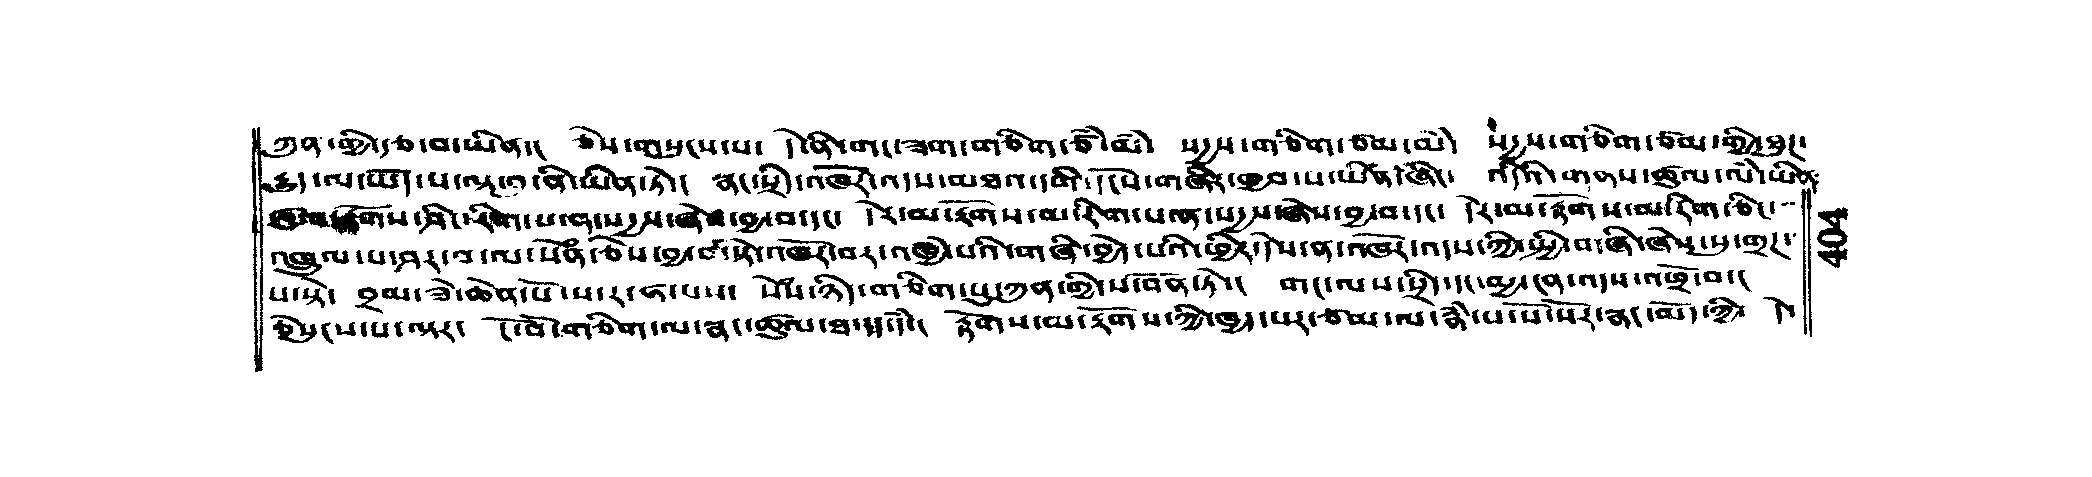ཀུན་གྱི་རྩ་བ་ཡིན། ཅེས་གསུངས་པ། དེ་ནི་གང་ཟག་གཅིག་ཙམ་མམ། སངས་རྒྱས་གཅིག་ཙམ་གྱི་ཐུགས་
རྒྱུད་ལ་ཡོད་པ་ལྟ་བུ་ནི་མིན་ཏེ། སྣང་སྲིད་འཁོར་འདས་མཐའ་དག་གི་དངོས་གཞིར་ཁྱབ་པ་ཡིན་ཞིང་། འདིའི་གནས་ཚུལ་ལམ་ཡིན་
ཚུལ་རྟོགས་ཤིང་རིག་པ་ན་སངས་རྒྱས་ཞེས་བྱ་བ་དང་། དེར་མ་རྟོགས་མ་རིག་ཅིང་
འཁྲུལ་པ་ཤར་བ་ལ་སེམས་ཅན་ཅེས་བྱ་བ་སྟེ་འཁོར་བར་འཁྱམས་པའི་གཞི་བྱེད་པའི་ཕྱིར་དེས་ན་འཁོར་འདས་ཀྱི་སྤྱི་གཞི་ཞེས་སུ་གྲགས་
པ་སྟེ། བྲམ་ཟེ་ཆེན་པོ་ས་ར་ཧས། སེམས་ཉིད་གཅིག་པུ་ཀུན་གྱི་ས་བོན་ཏེ། །གང་ལས་སྲིད་དང་མྱ་ངན་འདས་འཕྲོ་བ། 
ཞེས་གསུངས་པ་ལྟར། ངོ་བོ་གཅིག་ལ་སྣང་ཚུལ་ཐ་དད་དམ། རྟོགས་མ་རྟོགས་ཀྱི་ཁྱད་པར་ཙམ་ལ་རྣམ་པ་སོ་སོར་སྣང་མོད་ཀྱི། དེ་